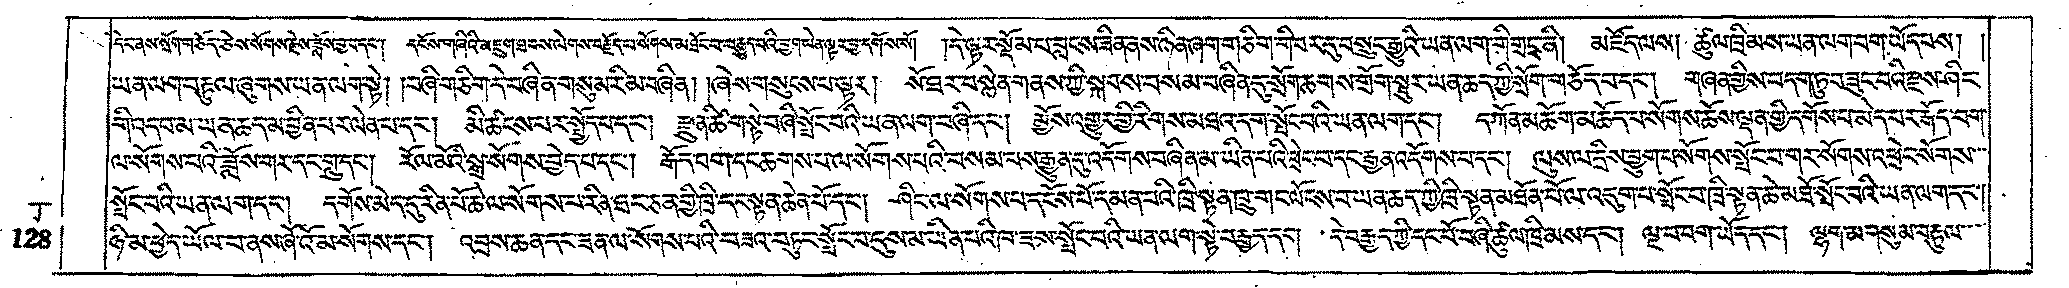དེང་ནས་སྲོག་གཅོད་ཅེས་སོགས་རྗེས་ཟློས་བྱ་བ་དང་། དངོས་གཞིའི་མཇུག་ཐབས་ལེགས་བརྗོད་པ་སོགས་མཐོང་བ་བརྒྱུད་པའི་ཕྱག་ལེན་ལྟར་བྱ་དགོས་སོ། །དེ་ལྟར་སྡོམ་པ་བླངས་ཟིན་ནས་ཉིན་ཞག་གཅིག་གི་བར་དུ་བསྲུང་རྒྱུའི་ཡན་ལག་གྱི་གྲངས་ནི། མཛོད་ལས། ཚུལ་ཁྲིམས་ཡན་ལག་བག་ཡོད་པས། །
ཡན་ལག་བརྟུལ་ཞུགས་ཡན་ལག་སྟེ། །བཞི་གཅིག་དེ་བཞིན་གསུམ་རིམ་བཞིན། །ཞེས་གསུངས་པ་ལྟར། སོ་ཐར་བསྙེན་གནས་ཀྱི་སྐབས་བསམ་བཞིན་དུ་སྲོག་ཆགས་གྲོག་སྦུར་ཡན་ཆད་ཀྱི་སྲོག་གཅོད་པ་དང་། གཞན་གྱིས་བདག་ཏུ་བཟུང་བའི་རྫས་ཤིང་
གི་འདབ་མ་ཡན་ཆད་མ་བྱིན་པར་ལེན་པ་དང་། མི་ཚངས་པར་སྤྱོད་པ་དང་། རྫུན་ཚིག་སྟེ་བཞི་སྤོང་བའི་ཡན་ལག་བཞི་དང་། མྱོས་འགྱུར་གྱི་རིགས་མཐའ་དག་སྤོང་བའི་ཡན་ལག་དང་། དཀོན་མཆོག་མཆོད་པ་སོགས་ཆོས་ལྡན་གྱི་དགོས་པ་མེད་པར་རྒོད་བག་
ལ་སོགས་པའི་ཟློས་གར་དང་གླུ་དང་། རོལ་མོའི་སྒྲ་སོགས་བྱེད་པ་དང་། རྒོད་བག་དང་ཆགས་པ་ལ་སོགས་པའི་བསམ་པས་རྒྱུན་དུ་འདོགས་བཞིན་མ་ཡིན་པའི་ཕྲེང་བ་དང་རྒྱན་འདོགས་པ་དང་། ལུས་ལ་དྲིས་བྱུག་པ་སོགས་སྤོང་བ་གར་སོགས་འཕྲེང་སོགས་་་
སྤོང་བའི་ཡན་ལག་དང་། དགོས་མེད་དུ་རིན་པོ་ཆེ་ལ་སོགས་པ་རིན་ཐང་ཅན་གྱི་ཁྲི་དང་སྟན་ཆེན་པོ་དང་། ཤིང་ལ་སོགས་པ་དངོས་པོ་དམན་པའི་ཁྲི་སྟན་ཁྲུ་གང་ལོངས་པ་ཡན་ཆད་ཀྱི་ཁྲི་སྟན་མཐོན་པོ་ལ་འདུག་པ་སྤོང་བ་ཁྲི་སྟན་ཆེ་མཐོ་སྤོང་བའི་ཡན་ལག་དང་།
ཉི་མ་ཕྱེད་ཡོལ་བ་ནས་ཞོ་འོ་མ་སོགས་དང་། འབྲས་ཆན་དང་ཟན་ལ་སོགས་པའི་བཟའ་བཏུང་སྤོང་བ་དུས་མ་ཡིན་པའི་ཁ་ཟས་སྤོང་བའི་ཡན་ལག་སྟེ་བརྒྱད་དང་། དེ་བརྒྱད་ཀྱི་དང་པོ་བཞི་ཚུལ་ཁྲིམས་དང་། ལྔ་པ་བག་ཡོད་དང་། ལྷག་མ་གསུམ་བརྟུལ་་་